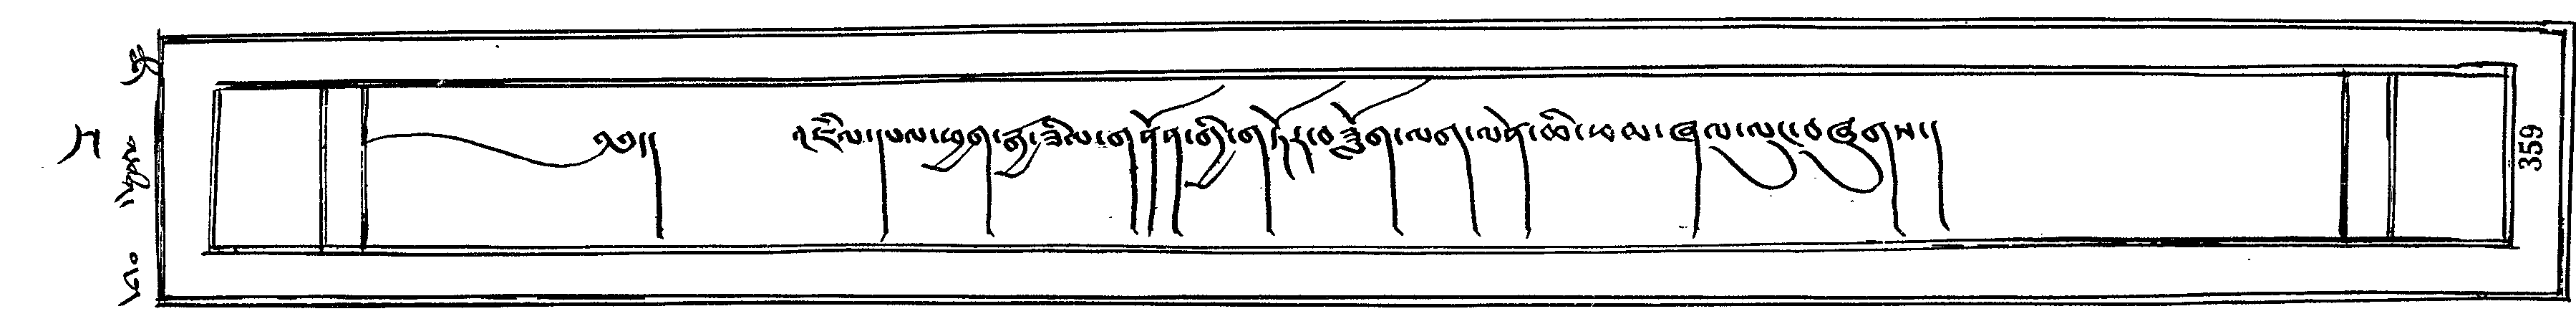འཇམ་དཔལ་ཕྱག་རྒྱ་ཟིལ་གནོན་གྱི་གཏོར་བཟློག་ལག་ལེན་མི་ཕམ་ཞལ་ལུང་བཞུགས།།